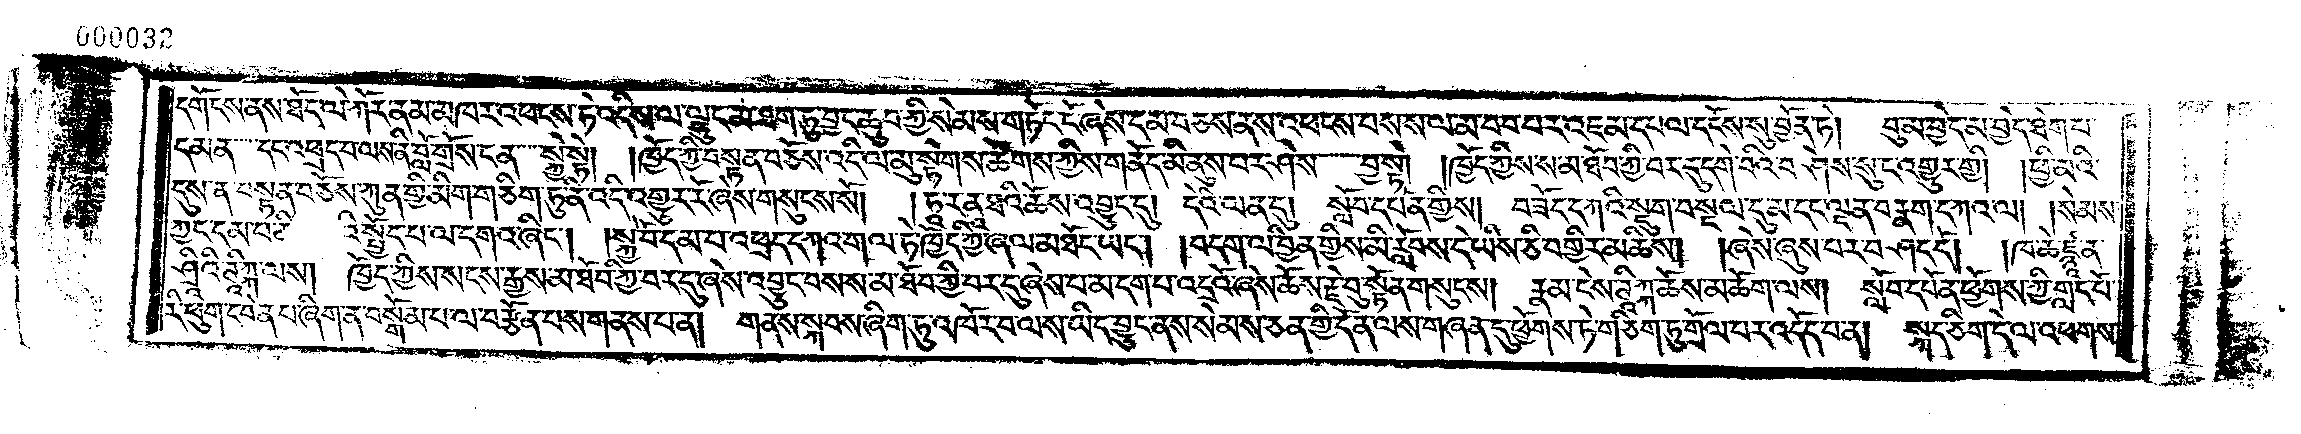དགོངས་ནས་ཐོད་ལེ་ཀོར་ནམ་མཁར་འཕངས་ཏེ་འདིས་ལ་ལྷུང་མ་ཐག་ཏུ་བྱང་ཆུབ་ཀྱི་སེམས་གཏོང་ངོ་ཞེས་དམ་བཅས་ནས་འཕངས་པས་ས་ལ་མ་བབ་པར་འཇམ་དཔལ་དངོས་སུ་བྱོན་ཏེ། བུ་མ་བྱེད་མ་བྱེད་ཐེག་པ་
དམན་དང་འཕྲད་པ་ལས་ནི་བློ་གྲོས་ངན་སྐྱེ་སྟེ། །ཁྱོད་ཀྱི་བསྟན་བཅོས་འདི་ལ་མུ་སྟེགས་ཚོགས་ཀྱིས་གནོད་མི་ནུས་བར་ཤེས་བྱ་སྟེ། །ཁྱོད་ཀྱིས་ས་མ་ཐོབ་ཀྱི་བར་དུ་དགེ་བའི་བཤེས་སུ་ང་འགྱུར་གྱི། །ཕྱི་མའི་
དུས་ན་བསྟན་བཅོས་ཀུན་གྱི་མིག་གཅིག་ཏུ་ནི་འདི་འགྱུར་རོ་ཞེས་གསུངས་སོ། །ཏཱ་ར་ནཱ་ཐའི་ཆོས་འབྱུང་དུ། དེའི་ལན་དུ། སློབ་དཔོན་གྱིས། བཟོད་དཀའི་སྡུག་བསྔལ་དུ་མ་དང་ལྡན་བརྣག་དཀའ་ལ། །སེམས་
ཀྱང་དམ་པ་མིན་པའི་སྤྱོད་པ་ལ་དགའ་ཞིང་། །སྐྱེ་བོ་དམ་པ་འཕྲད་དཀའ་གལ་ཏེ་ཁྱོད་ཀྱི་ཞལ་མཐོང་ཡང་། །བདག་ལ་བྱིན་གྱིས་མི་རློབས་དེ་ཡིས་ཅི་བགྱིར་མཆིས། །ཞེས་ཞུས་པར་བཤད་དོ། །ཁ་ཆེ་ཛྙཱ་ན་
ཤྲཱིའི་ཊཱིཀྐ་ལས། ཁྱོད་ཀྱིས་སངས་རྒྱས་མ་ཐོབ་ཀྱི་བར་དུ་ཞེས་འབྱུང་བས་ས་མ་ཐོབ་ཀྱི་བར་དུ་ཞེས་པ་མ་དག་པ་འདྲའོ་ཞེས་ཆོས་རྗེ་བུ་སྟོན་གསུངས། རྣམ་ངེས་ཊཱིཀྐ་ཆོས་མཆོག་ལས། སློབ་དཔོན་ཕྱོགས་ཀྱི་གླང་པོ་
རི་ཕུག་དབེན་པ་ཞིག་ན་བསྒོམ་པ་ལ་བརྩོན་པས་གནས་པ་ན། གནས་སྐབས་ཞིག་ཏུ་འཁོར་བ་ལས་ཡིད་བྱུང་ནས་སེམས་ཅན་གྱི་དོན་ལས་གཞན་དུ་ཕྱོགས་ཏེ་གཅིག་ཏུ་གྲོལ་བར་འདོད་པ་ན། སྐད་ཅིག་དེ་ལ་འཕགས་